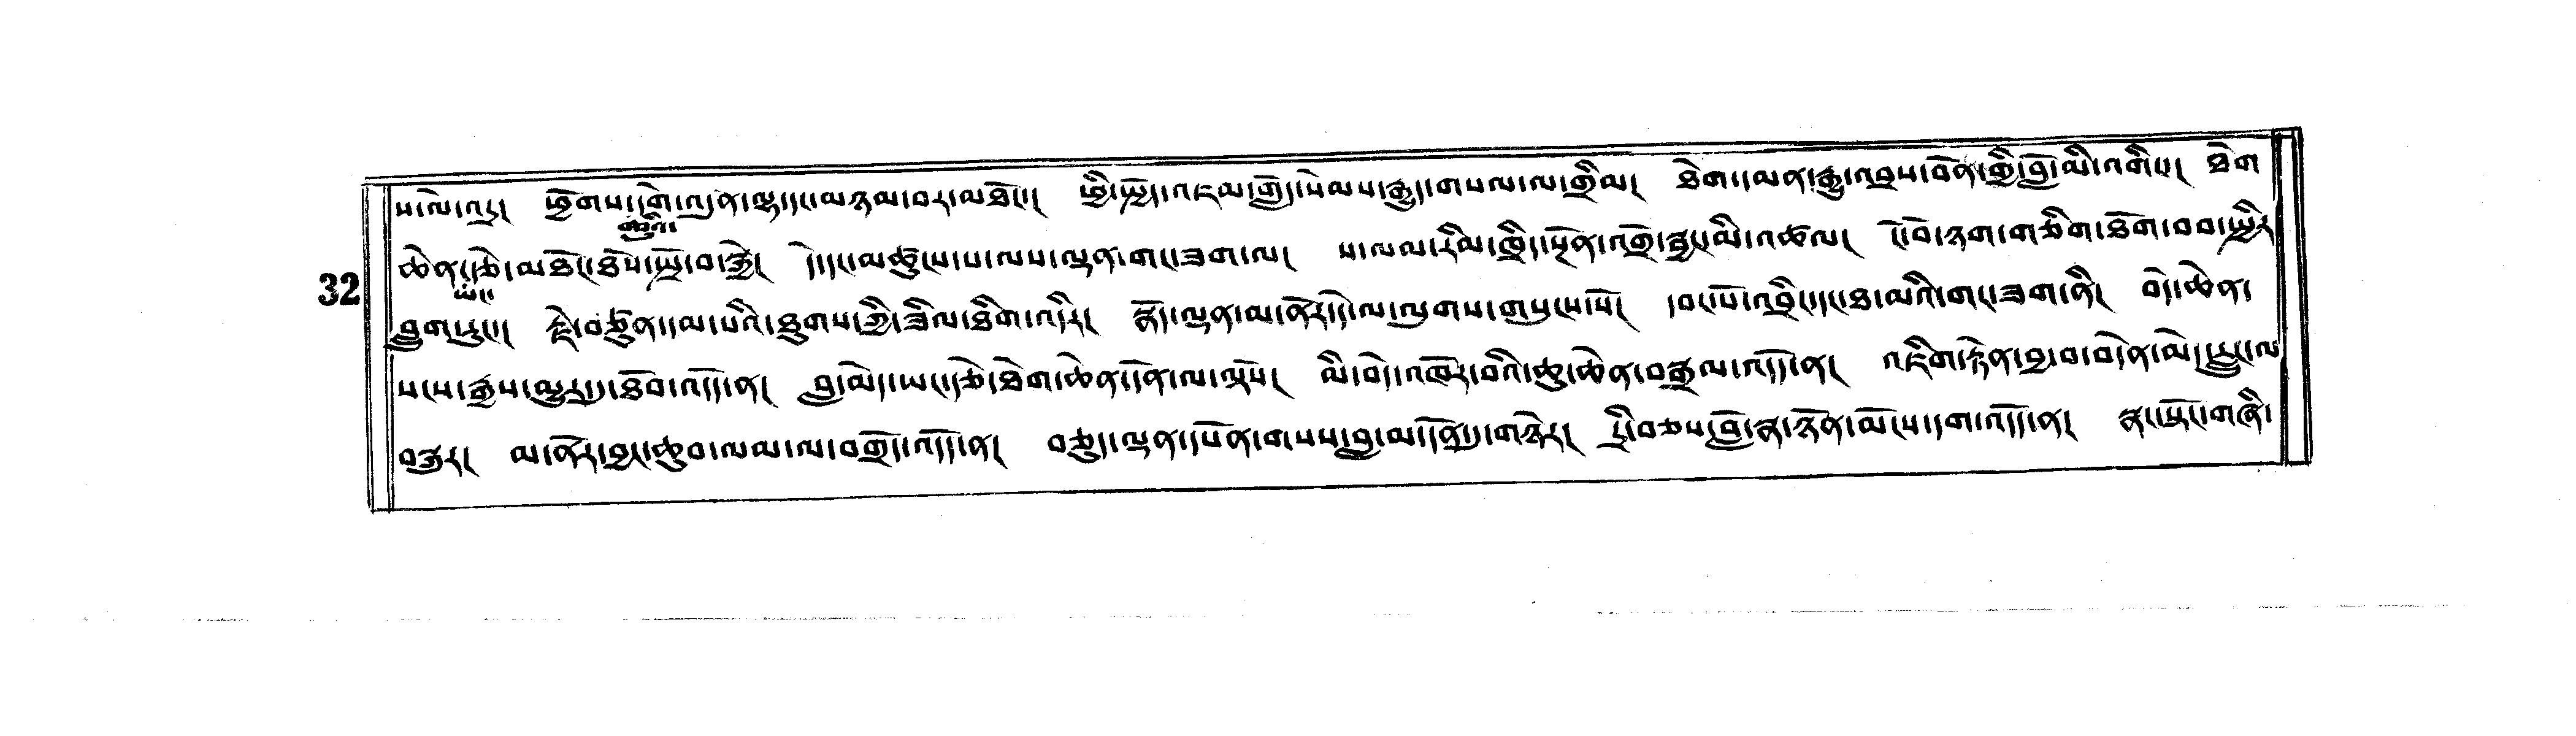ས་ལེ་འདྲ། ཕྱོགས་བཅུའི་དགེ་འདུན་ལྷ་དང་མཉམ་པར་མཐོང་། ཕྱི་སྤྱོད་འཇམ་གློད་སེམས་རྒྱུད་གསལ་ལ་གྲིམ། ཐེག་དམན་རྒྱུ་འབྲས་བོན་གྱི་བློ་མི་འགེངས། ཐེག་
ཆེན་ཡང་རྩེ་མཐོང་ཐོས་སྤྲོ་བ་སྐྱེ། དེ་དང་མཚུངས་པ་ལས་ལྡན་གང་ཟག་ལ། ས་ལམ་རིམ་ཁྲིད་སྔོན་འགྲོ་སྦྱང་མི་འཚལ། ངོ་བོ་ཉག་གཅིག་ཐོག་བབས་སྤྱིར་
བླུག་རུང་། རྗེ་བཙུན་དམ་པའི་ཐུགས་ཀྱི་ཟིལ་ཐིག་འདིར། སྣོད་ལྡན་མ་ནོར་དེ་ལ་ལུགས་གསུངས་སོ། དབང་པོ་འབྲིང་དང་ཐ་མའི་གང་ཟག་ནི། བདེ་ཆེན་
སངས་རྒྱས་མྱུར་དུ་ཐོབ་འདོད་ན།བླ་མེད་ཡང་རྩེ་ཐེག་ཆེན་དོན་ལ་ལྟོས། མི་བདེ་འཁོར་བའི་ཆུ་ཆེན་བསྒྲལ་འདོད་ན། འཇིག་རྟེན་བྱ་བ་བདེན་མེད་རླུང་ལ་
བསྐུར། མ་ནོར་བྱང་ཆུབ་ལམ་ལ་བགྲོད་འདོད་ན། བཅུད་ལྡན་སློབ་དཔོན་བླ་མ་དོན་དུ་གཉེར། དྲི་བཅས་བློ་སྣ་ཉོན་མོངས་དག་འདོད་ན། སྣང་སྟོང་གཞི་